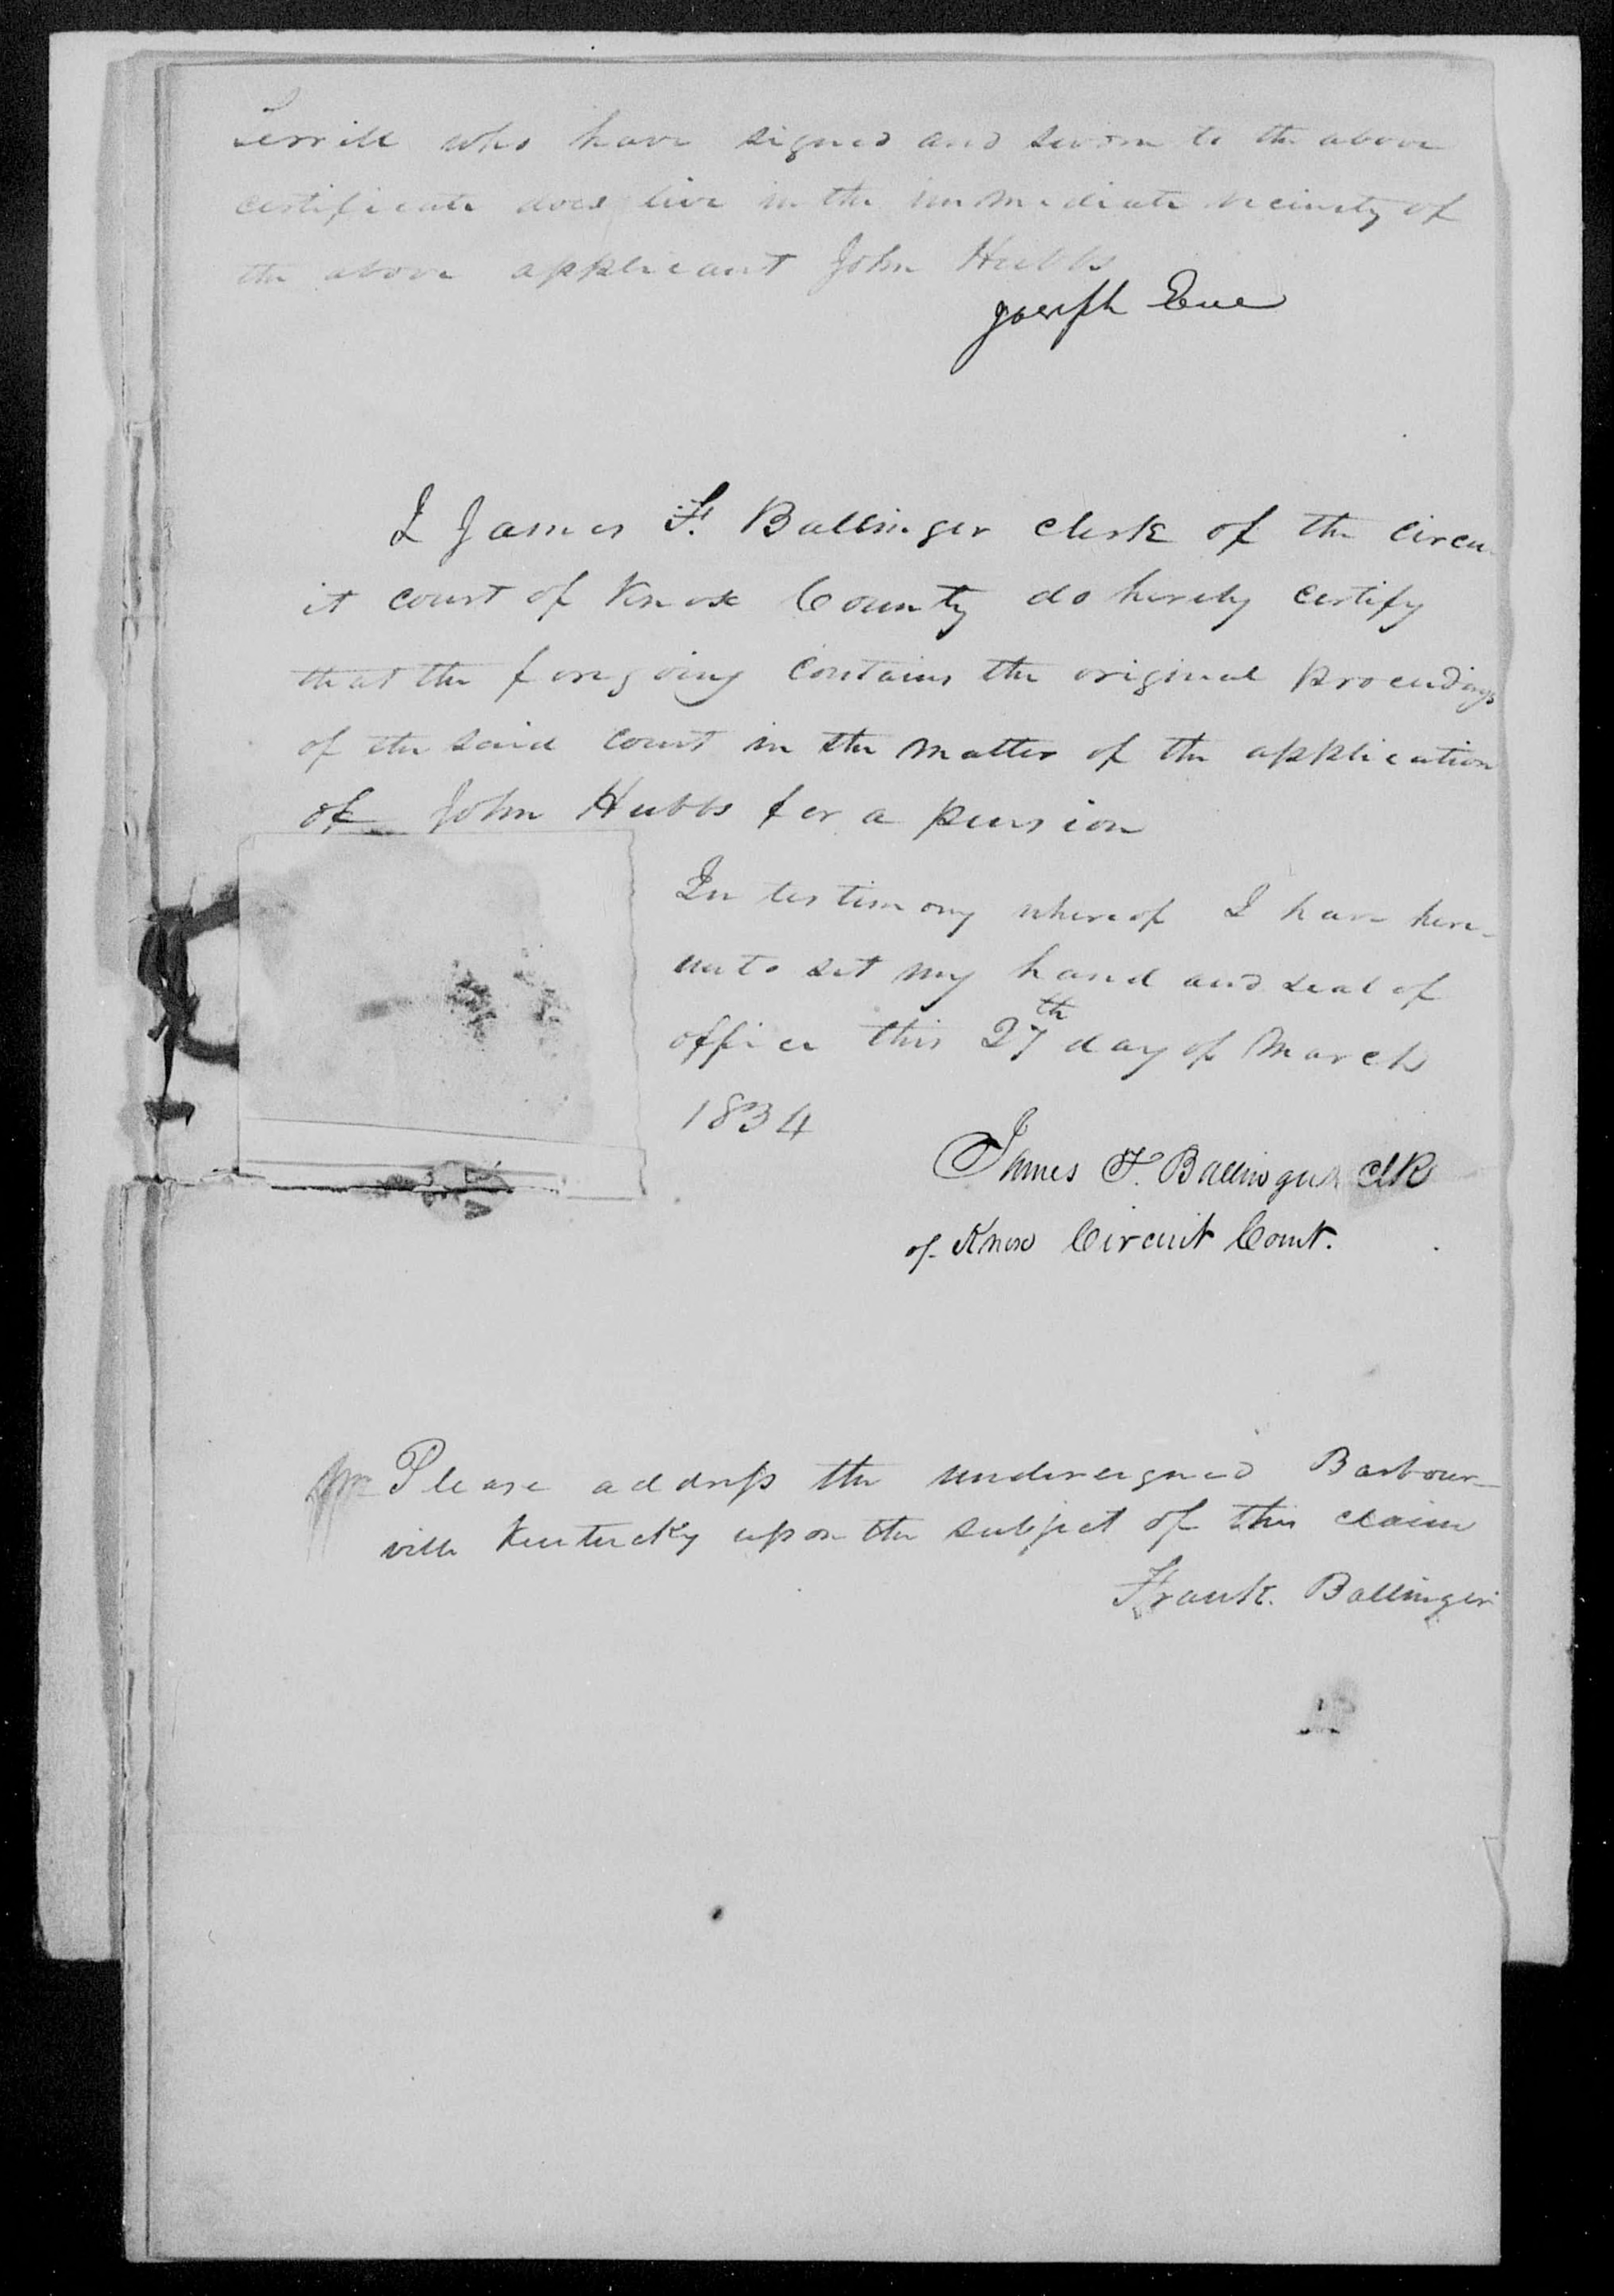Lewill who have signed and sworn to the above certificate  does live in the immediate  vicinity of the above applicant John Hubbs . Joseph Eue ( signed ) I, James F. Ballinger clerk of the Circuit Court of Knox County  do hereby  certify that the foregoing contain s the original proceedings of the said Court in the matter of the application of John Hubbs for a pension.  In testimony whereof I have hereunto set my hand and seal of office this 27th  day of March 1834. James F. Ballinger ( signed / sealed ) Clk of Knox Circuit Court  Please address the undersigned Barbourville Kentucky  upon the subject of the claim Frank Ballinger ( signed )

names: Please, Joseph Eue, Lewill, John Hubbs, Frank Ballinger, James F Ballinger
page: 10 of 86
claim: widow's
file: W. 1035, John Hubbs, S.C.